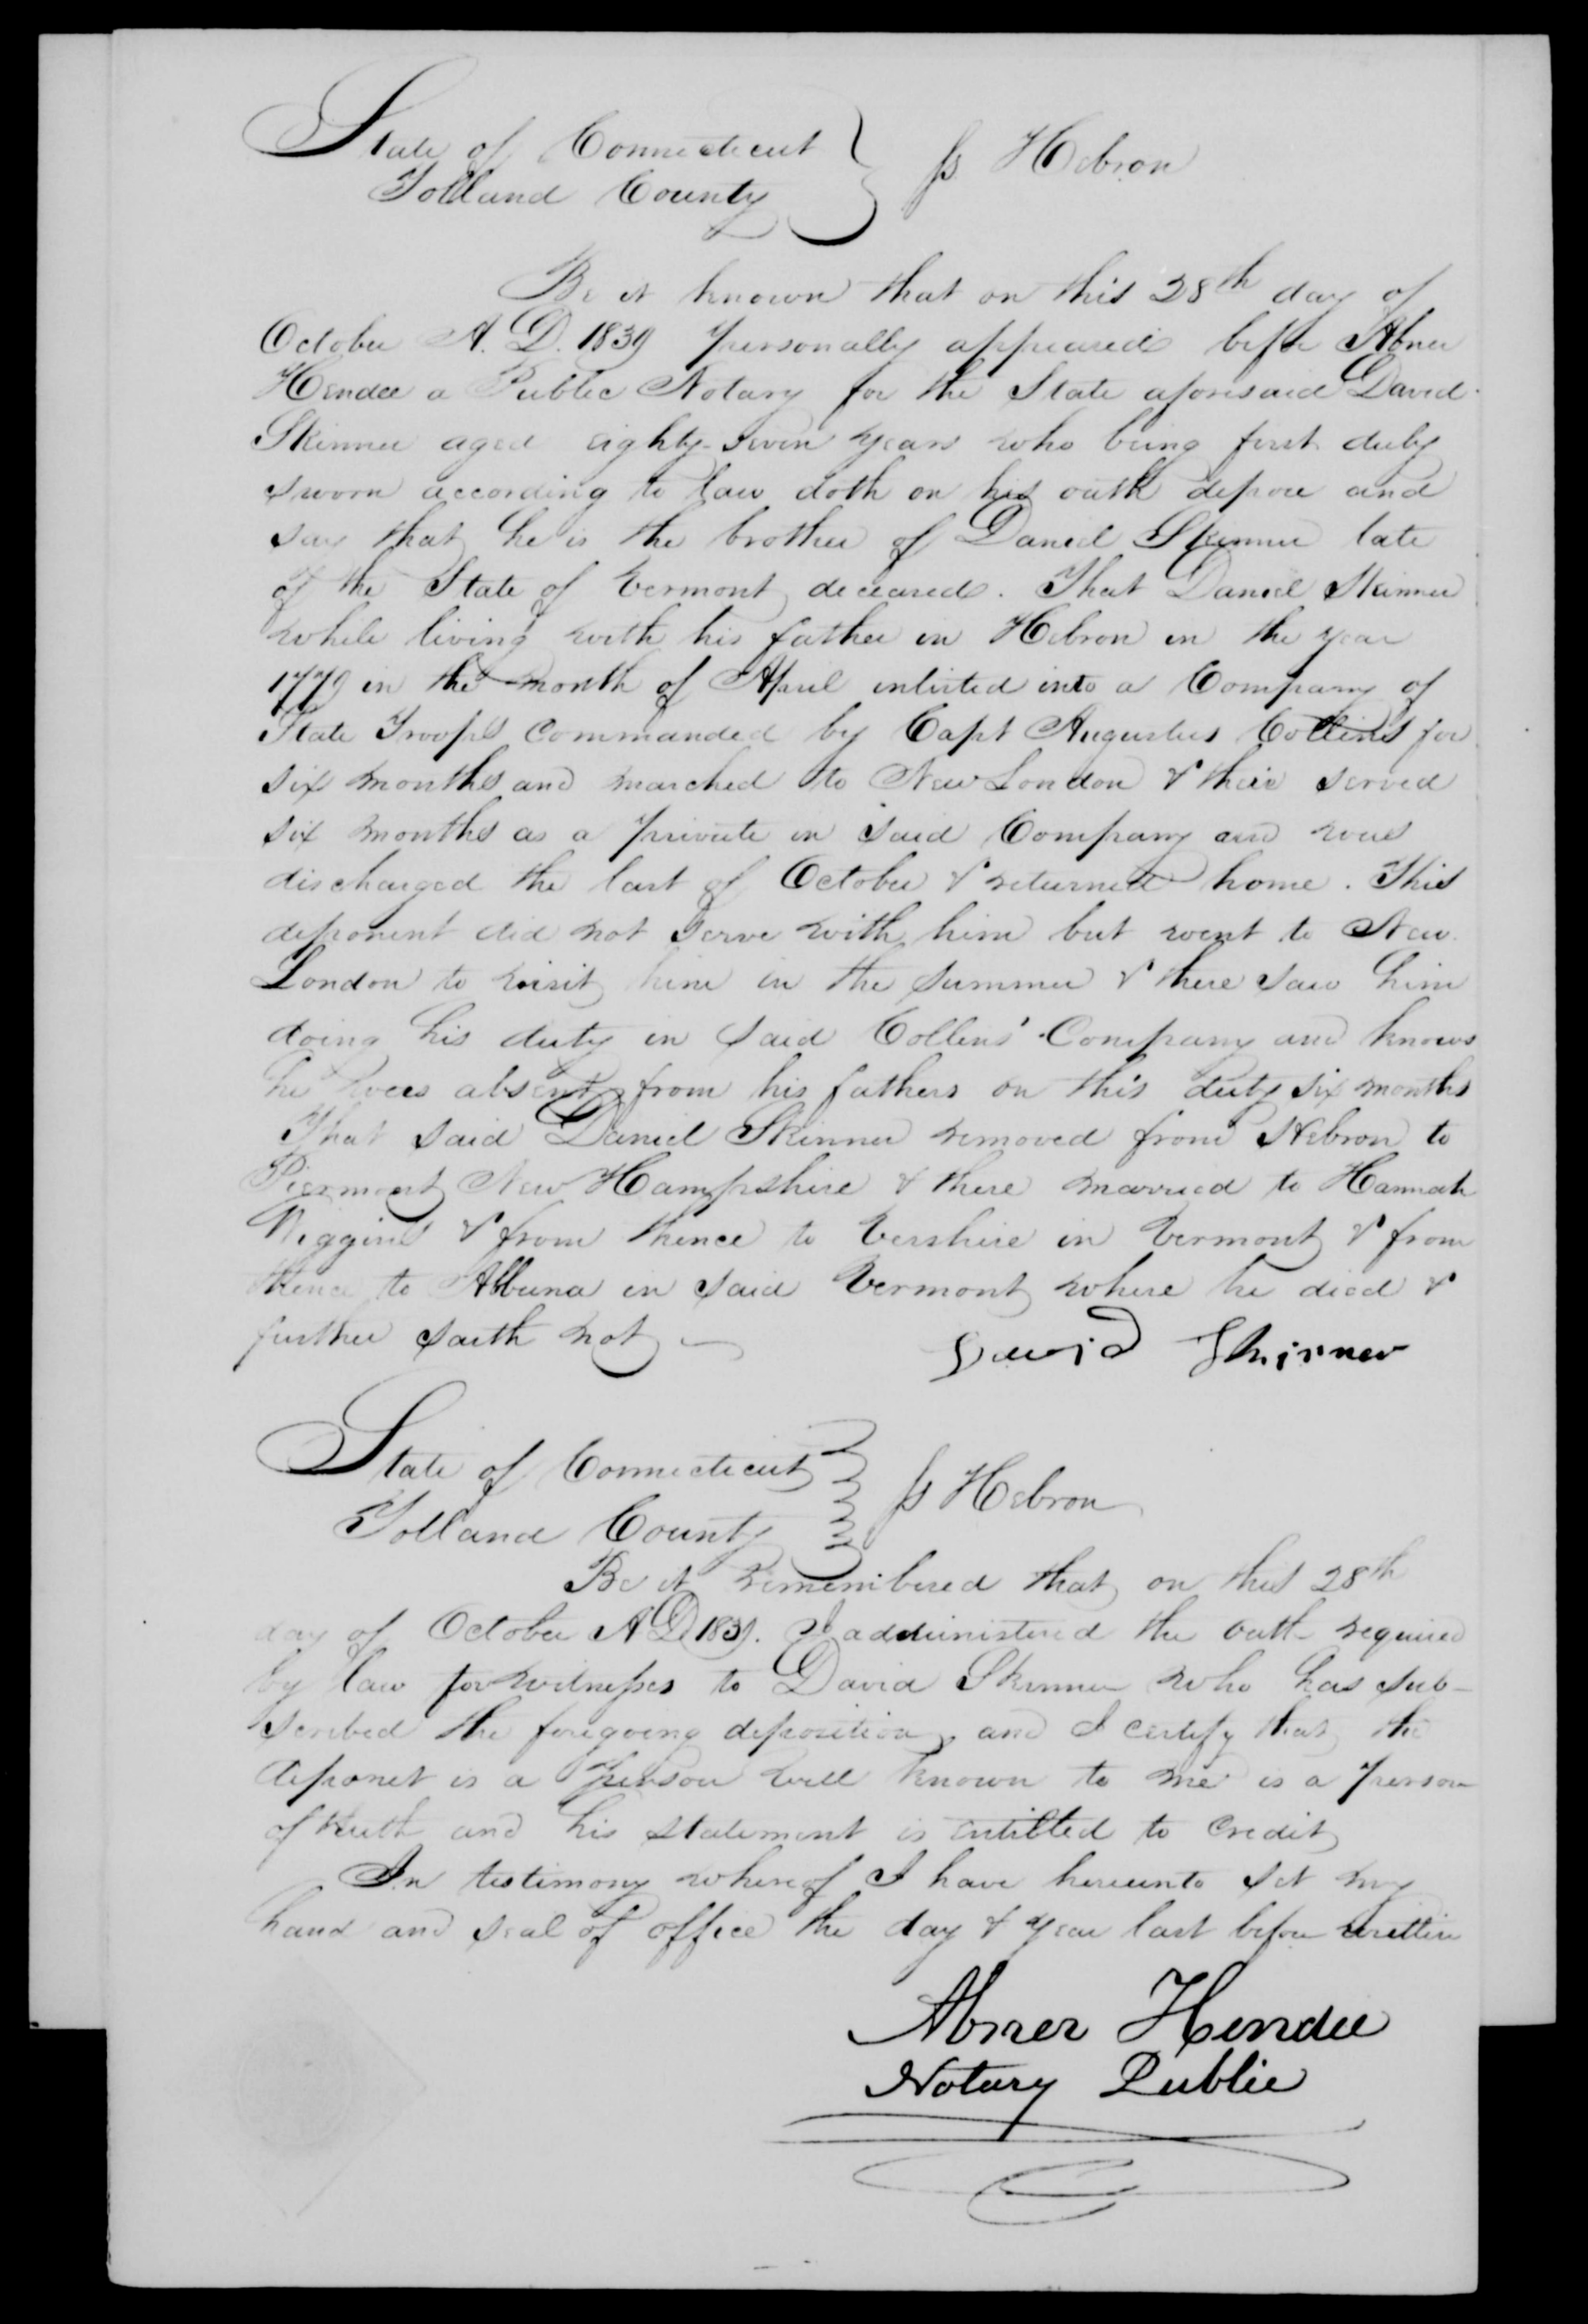State of Connecticut
Tolland County
SS Hebron
Be it known that on this 28th day of
October A.D. 1839 personally appeared before Abner
Hendee a Public Notary for the State aforesaid David
Skinner aged Eighty-seven years who being first duly
sworn according to law doth on his oath depose and
say that he is the brother of Daniel Skinner late
of the State of Vermont, deceased. That Daniel Skinner
while living with his father in Hebron in the year
1779 in the month of April enlisted into a Company of
State Troops commanded by Capt Augustus Collins for
six months and marched to New London & their served
six months as a private in said Company and was
discharged the last of October & returned home. This
deponent did not serve with him but went to New
London to visit him in the Summer & there saw him
doing his duty in said Collins' Company and knows
he was absent from his fathers on this duty six months.
That said Daniel Skinner removed from Hebron to
Piermont New Hampshire & there married to Hannah
Wiggin & from thence to Vershire in Vermont & from
thence to Albuna in said Vermont where he died &
further saith not.-- (signed) David Skinner

State of Connecticut
Tolland County
SS Hebron
Be it remembered that on this 28th
day of October AD 1837. I administered the oath required
by law for Witnesses to David Skinner who has subscribed
the foregoing deposition, and I certify that the
deponent is a person well known to me is a person
of truth and his statement is entitled to credit,
In testimony whereof I have hereunto set my
hand and seal of office the day & year last before written
Abner Hendee
Notary Public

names: David Skinner; Abner Hendee; Hannah Wiggins; Daniel Skinner; Daniel Skinner; Abner Hendee; David Skinner; Daniel Skinner; David Skinner; Augustus Collins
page: 10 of 46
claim: widow's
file: W. 24976, for Daniel Skinner, New Hampshire